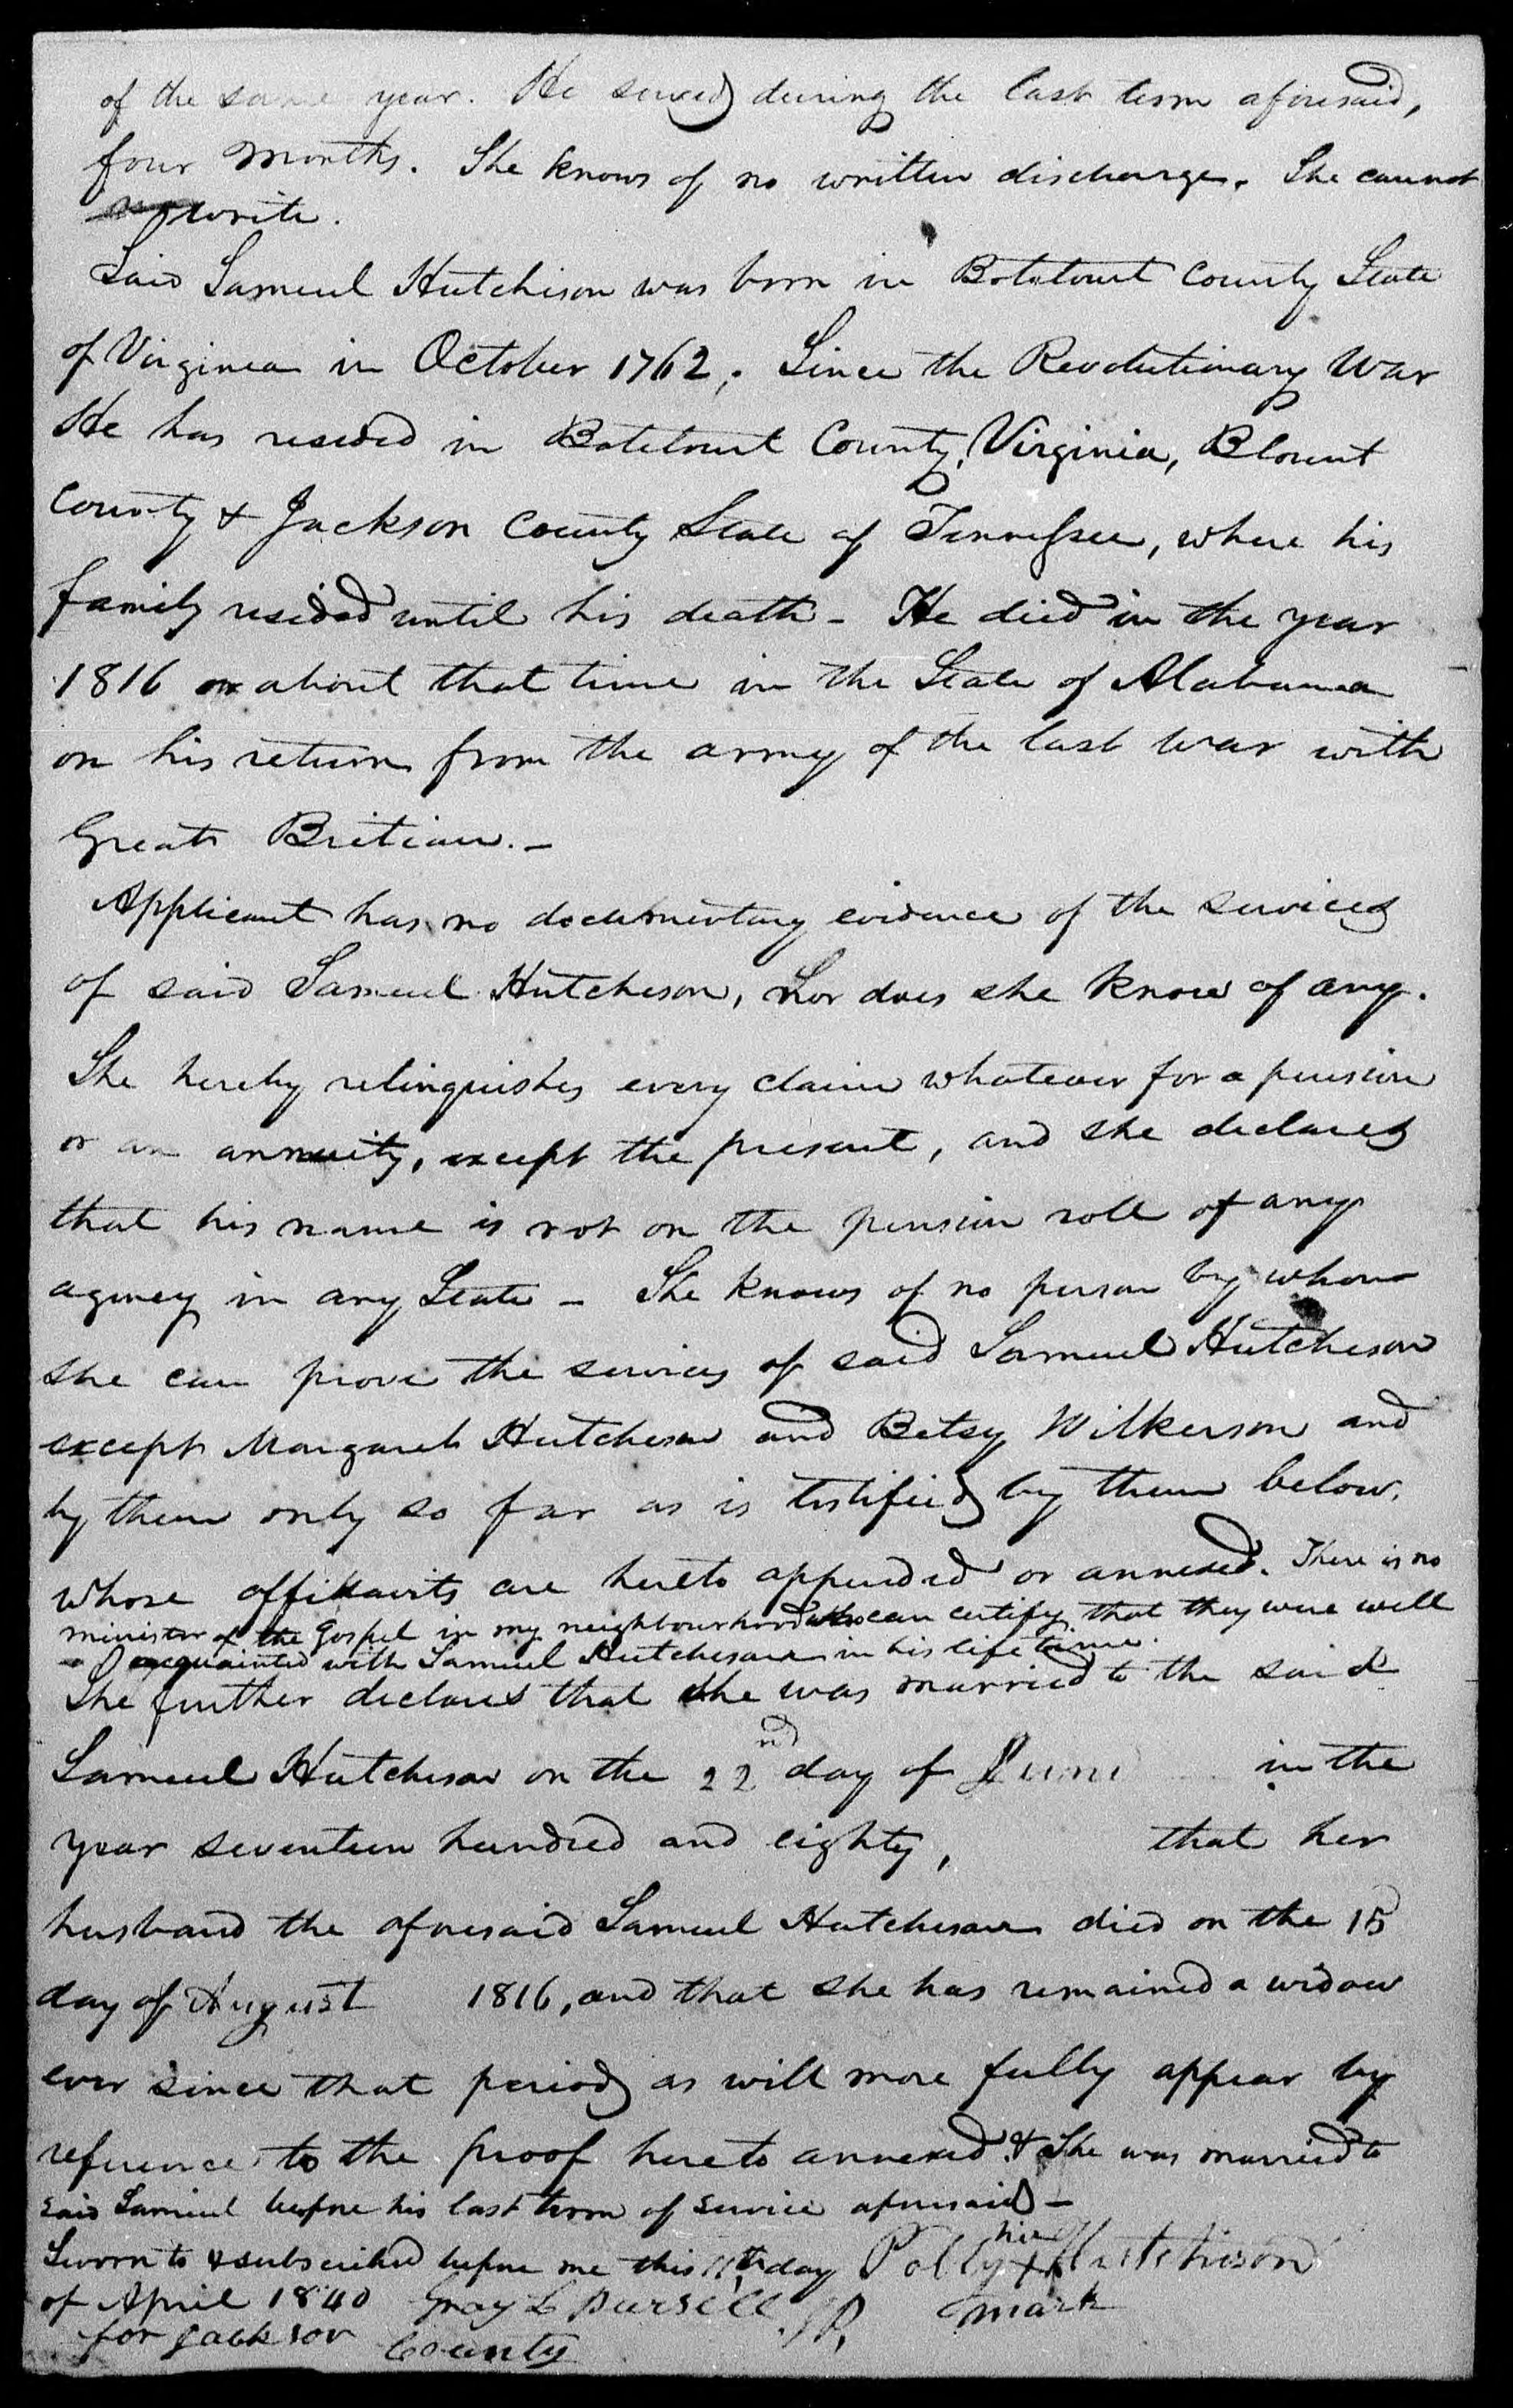the same year. He served during the last term aforesaid four months. She knows of no written discharge. She cannot write.

Said Samuel Hutchison was born in Botetourt County State of Virginia in October 1762; Since the Revolutionary War He has resided in Botetourt County, Virginia, Blount County & Jackson County State of Tennessee, where his family resided until his death. He died in the year 1816 or about that time in the State of Alabama on his return from the Army of the last War with Great Britain. – 

Applicant has no documentary evidence of the services of said Samuel Hutchison, nor does she know of any. 

She hereby relinquishes every claim whatever to a pension or an annuity except the present, and she declares that her name is not on the pension roll of any agency in any State – She knows of no person by whom she can prove the services of said Samuel Hutchison except Margaret Hutchison and Betsy Wilkerson and by them only so far as is testified by them below, whose affidavits are hereto appended or annexed. There is no minister of the Gospel in my neighborhood who can certify that they were well acquainted with Samuel Hutchison in his lifetime. 

She further declares that she was married to the said Samuel Hutchison on the 22nd day of June in the year seventeen hundred and eighty, [1780], that her husband the aforesaid Samuel Hutchison died on the 15 day of August 1816, and that she has remained a widow ever since that period as will more fully appear by reference to the proof hereto annexed & She was married to said Samuel before his last term of service aforesaid.-

Sworn to & subscribed before me this 11th day of April 1840. 
Gray L. Pursell, JP for Jackson County
Polly [her x mark] Hutchison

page: 8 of 19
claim: rejected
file: R. 5442, for Samuel Hutchison, Virginia